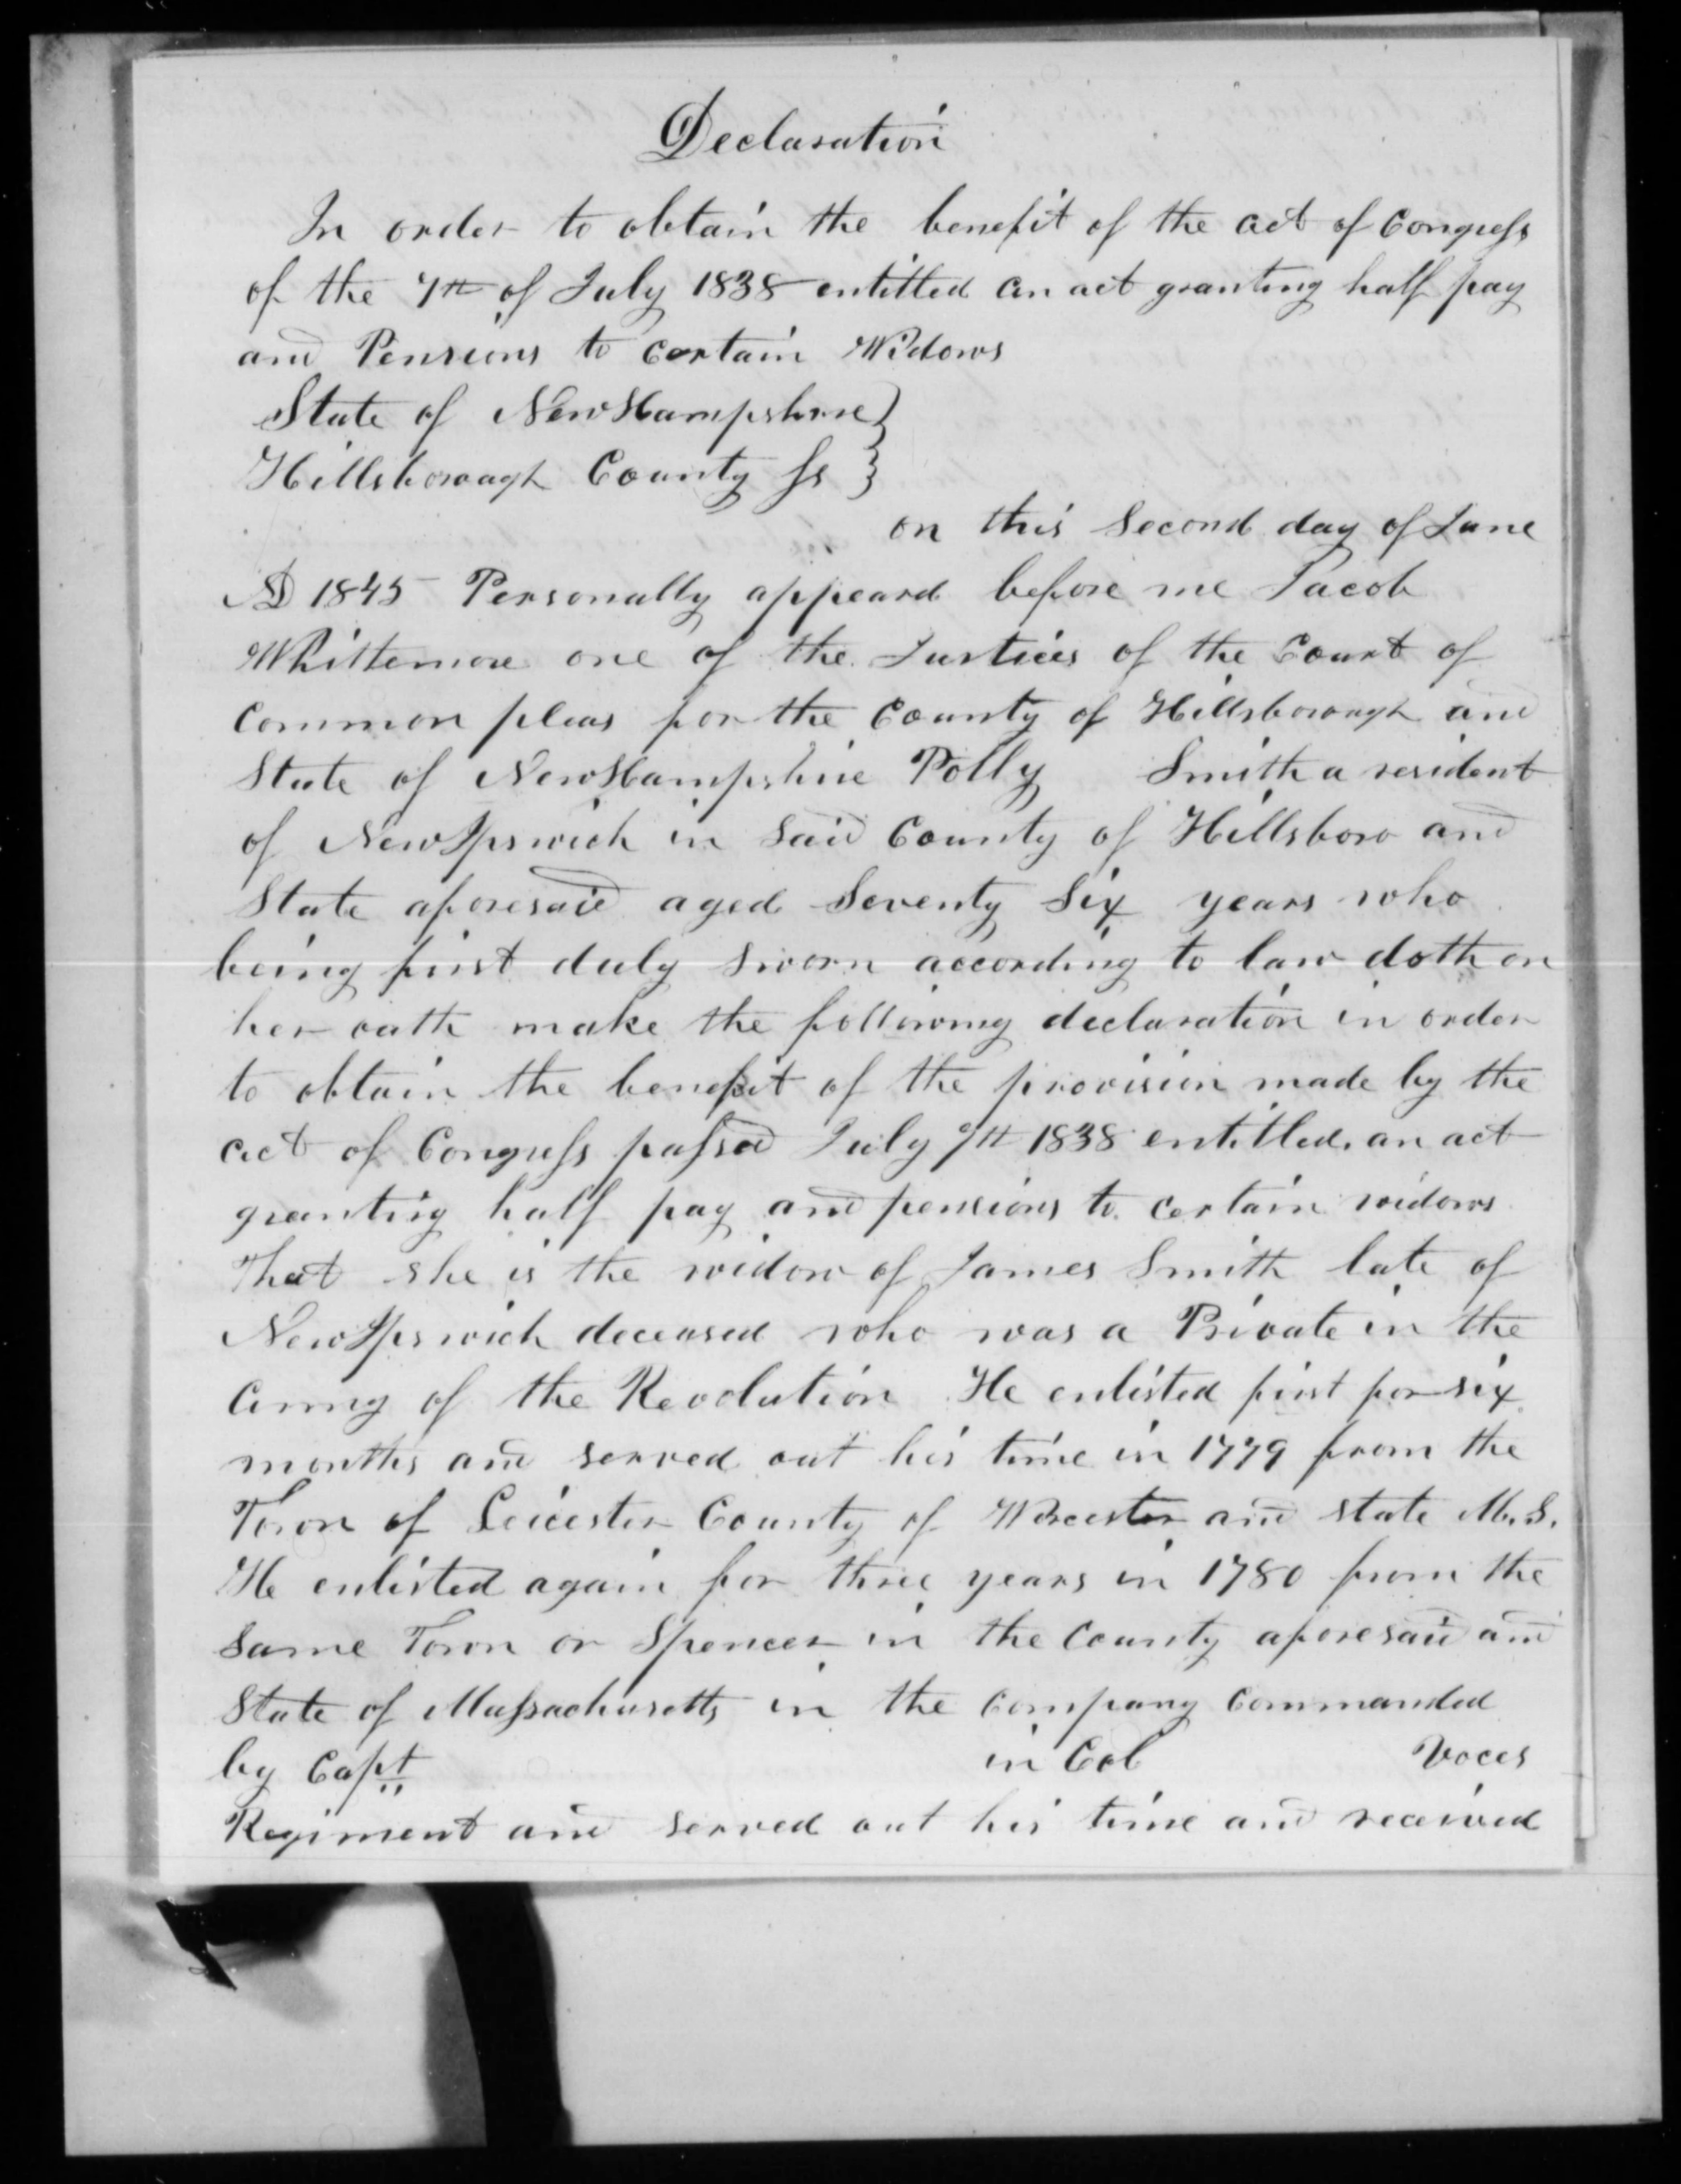Declaration
In order to obtain the benefit of the act of Congress of the 4th of July 1838 entitled  an act granting half pay and pensions to widows
State of New Hampshire
Hillsborough County SS
On this second day of June AD 1845- personally appeared before me Jacob Whitmore one of the Justices of the Court of Common Pleas for the county of Hillsborough and State of New Hampshire. Polly Smith a resident of New  ----- in the said county of Hillsborough and state aforesaid aged seventy six years who being first duly sworn according to law – on her oath make the following declaration in order to obtain the ----- on the pension made by the act of Congress --- July – 1838 entitled an act granting half pay and pensions to certain residents that she is a widow of James Smith late of New ---- deceased who was a Private in the Army of the Revolution. He enlisted first for six months and served out his time in 1779 from the ---- County of --- and state M.S. He enlisted again for three years in 1780 from the same --- on --- in the County aforesaid and State of Massachusetts in the Company commanded by Capt _______ in Col_______ Vocs Regiment and served his time and received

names: Jacob Whitlemore; [BLANK] Voves; Polly Smith; James Smith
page: 10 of 55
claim: widow's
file: W 19058, for James Smith, Massachusetts